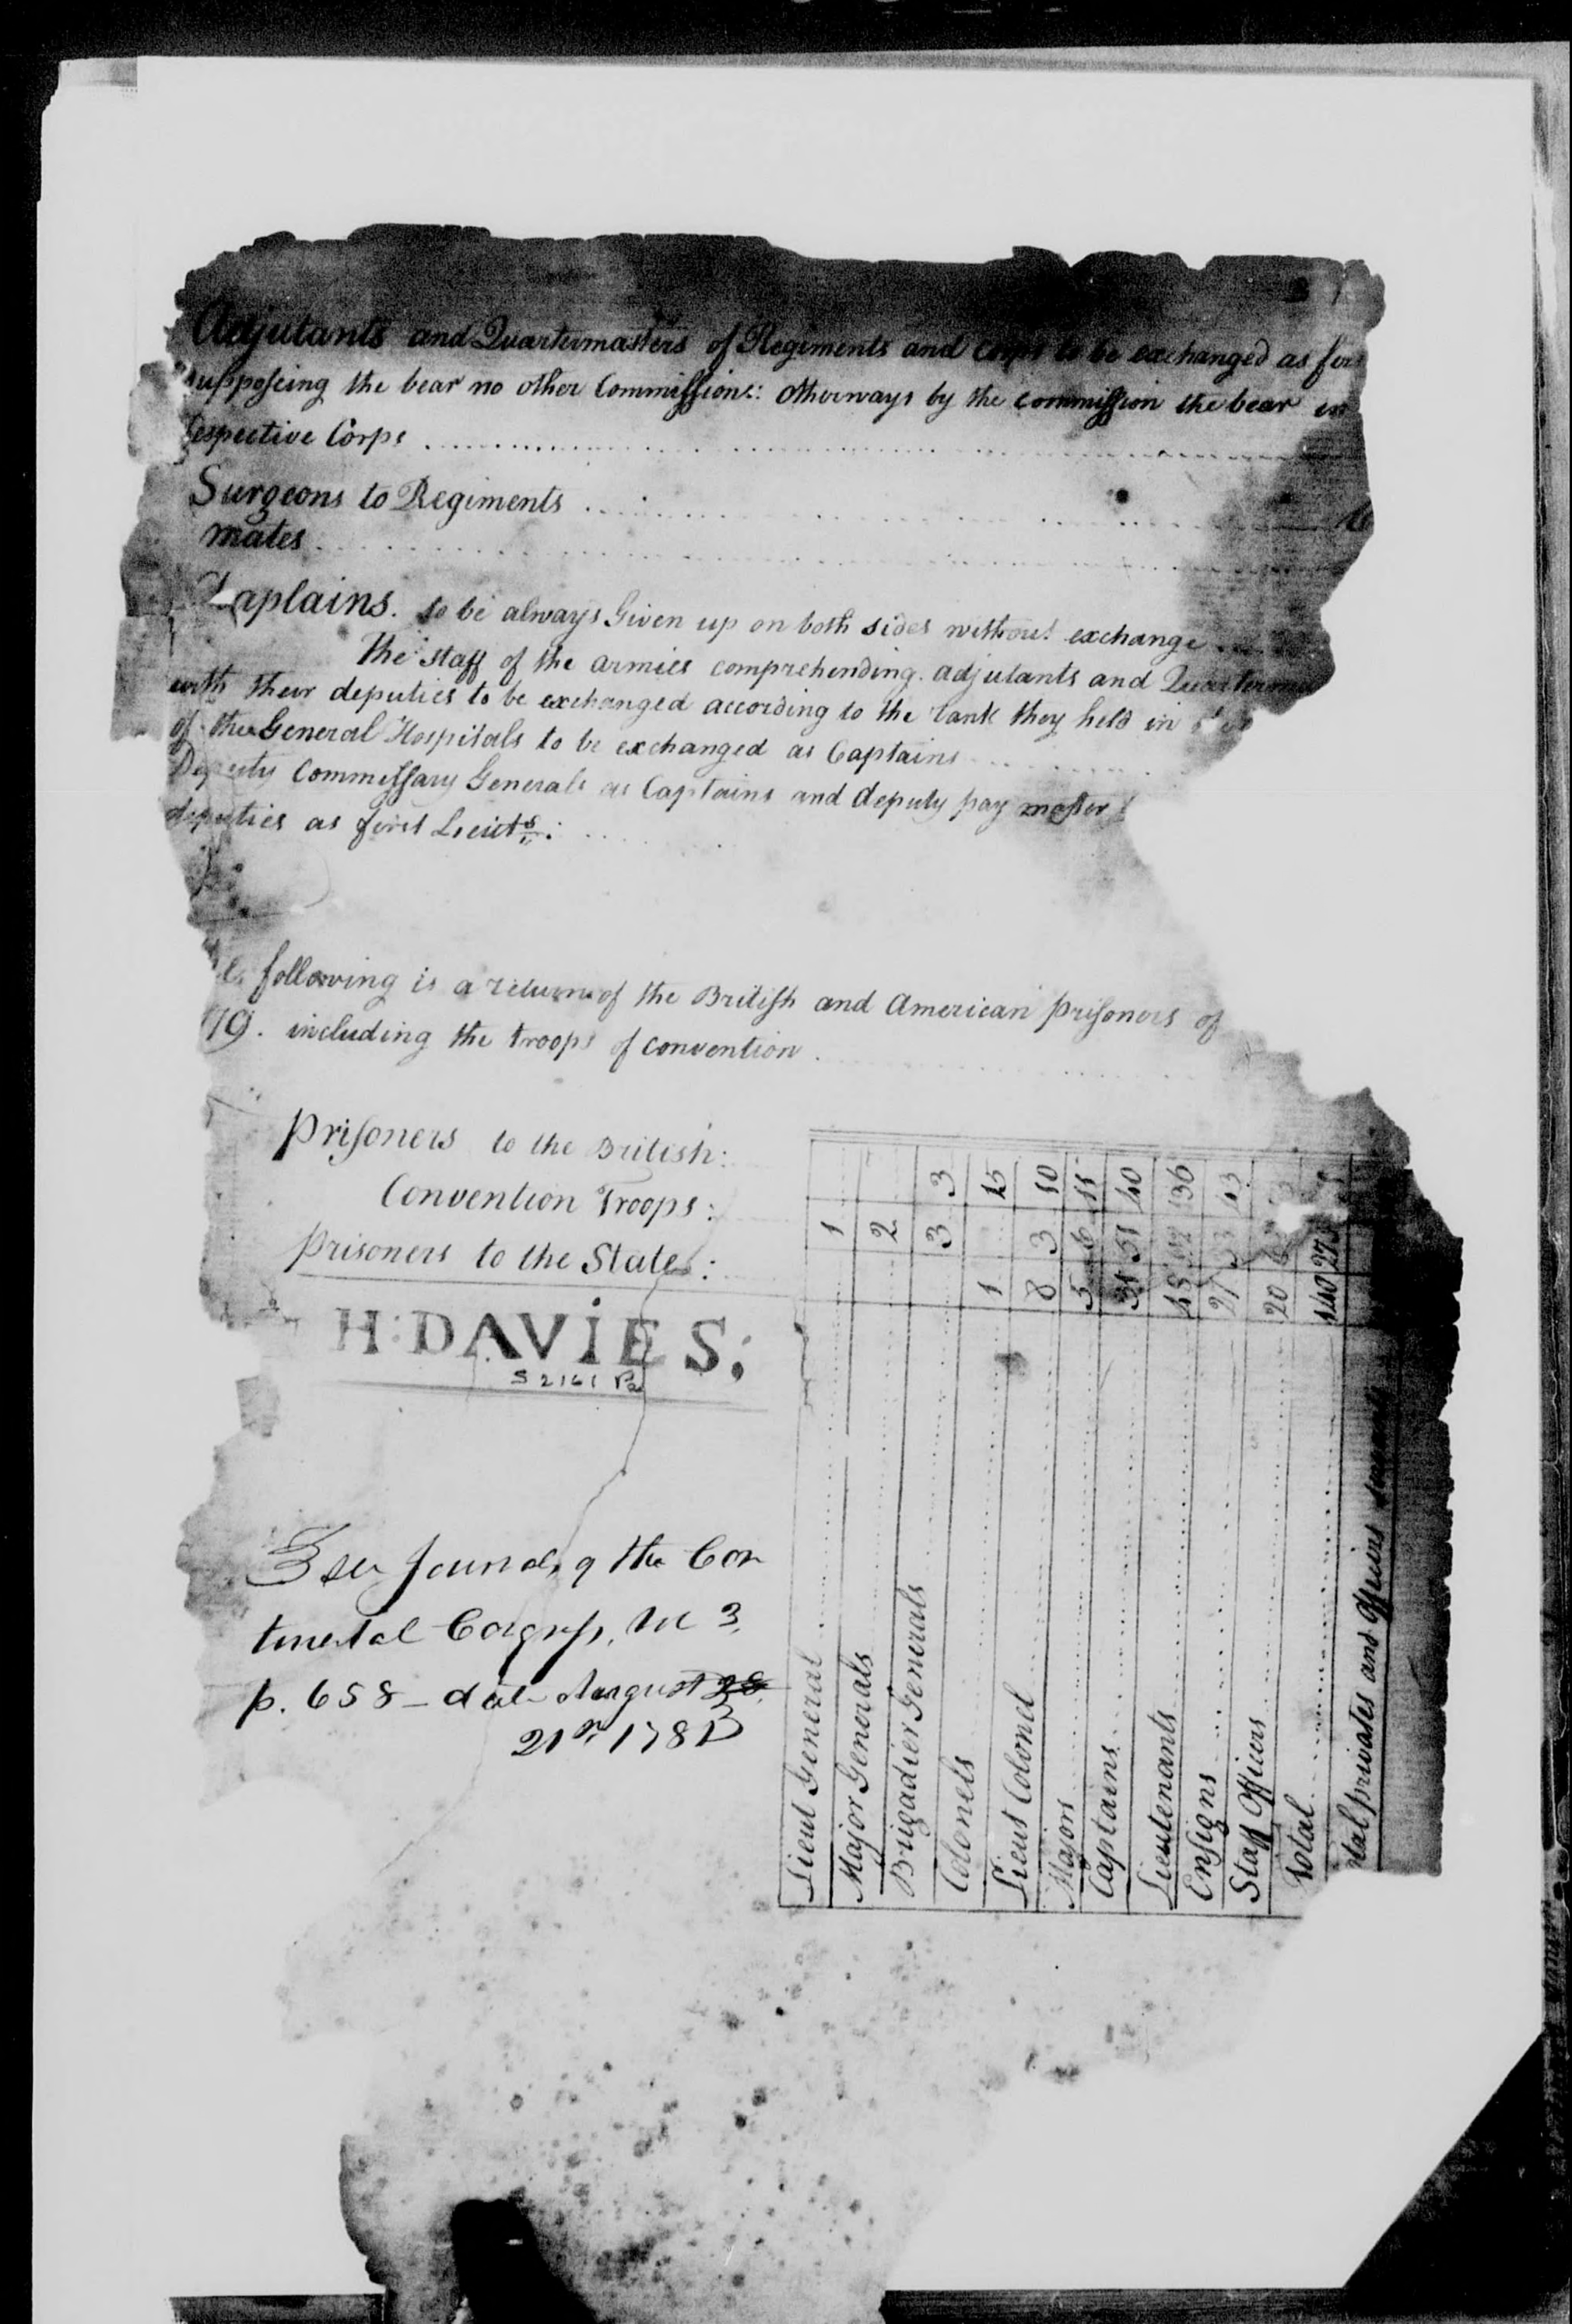[document is badly torn around the edges so not all text may be captured] 
Adjutants and Quartermasters of Regiments and corps to be exchanged as for
supplying the bear no other commission: otherways by the commission the bear in
respective Corps ...........
Surgeons to Regiments...........
mates ...........
Captains to be always Given up on both sides without exchange. 
The Staff of the armies comprehending adjutants and Quarter..
with their deputies to be exchanged according to the rank they held in the
of the General Hospitals to be exchanged as Captains.......
Deputy Commissary General or Captains and deputy pay master
deputies as first Lieuts.: 
following is a return of the British and American prisoners of [cut off] 19. 
including the troops of convention.
Prisoners to the British: 
Convention Troops: 
Prisoners to the State: 
H: DAVIES; 
S2161 Pa

}per Journal, 9th Continental Congress, rec 3,  p.658 - date August 21st 1781 }

[table lists rank - then # columns by the headings - Prisoners to the State; Convention Troops; Prisoners to the British - using slash / to separate column numbers] 
Lieut General ... - / 1 / -
Major Generals... - / 2 / -
Brigadier Generals...  - / 3 /3
Colonels... 1 / - / 15
Lieut Colonel...8 / 3 / 10
Majors...5 / 6 / 15
Captains...35 / 51 / 40
Lieutenants...48 / 52 / 136
Ensigns...27 / 33 / 63
Staff Officers...20 / 6[illegible] / 53
Total...160 / 273 / [illegible] 
Total privates and officers [illegible]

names: H Davies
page: 17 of 57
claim: survivor's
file: S. 2161, Hezekiah Davies, Penn